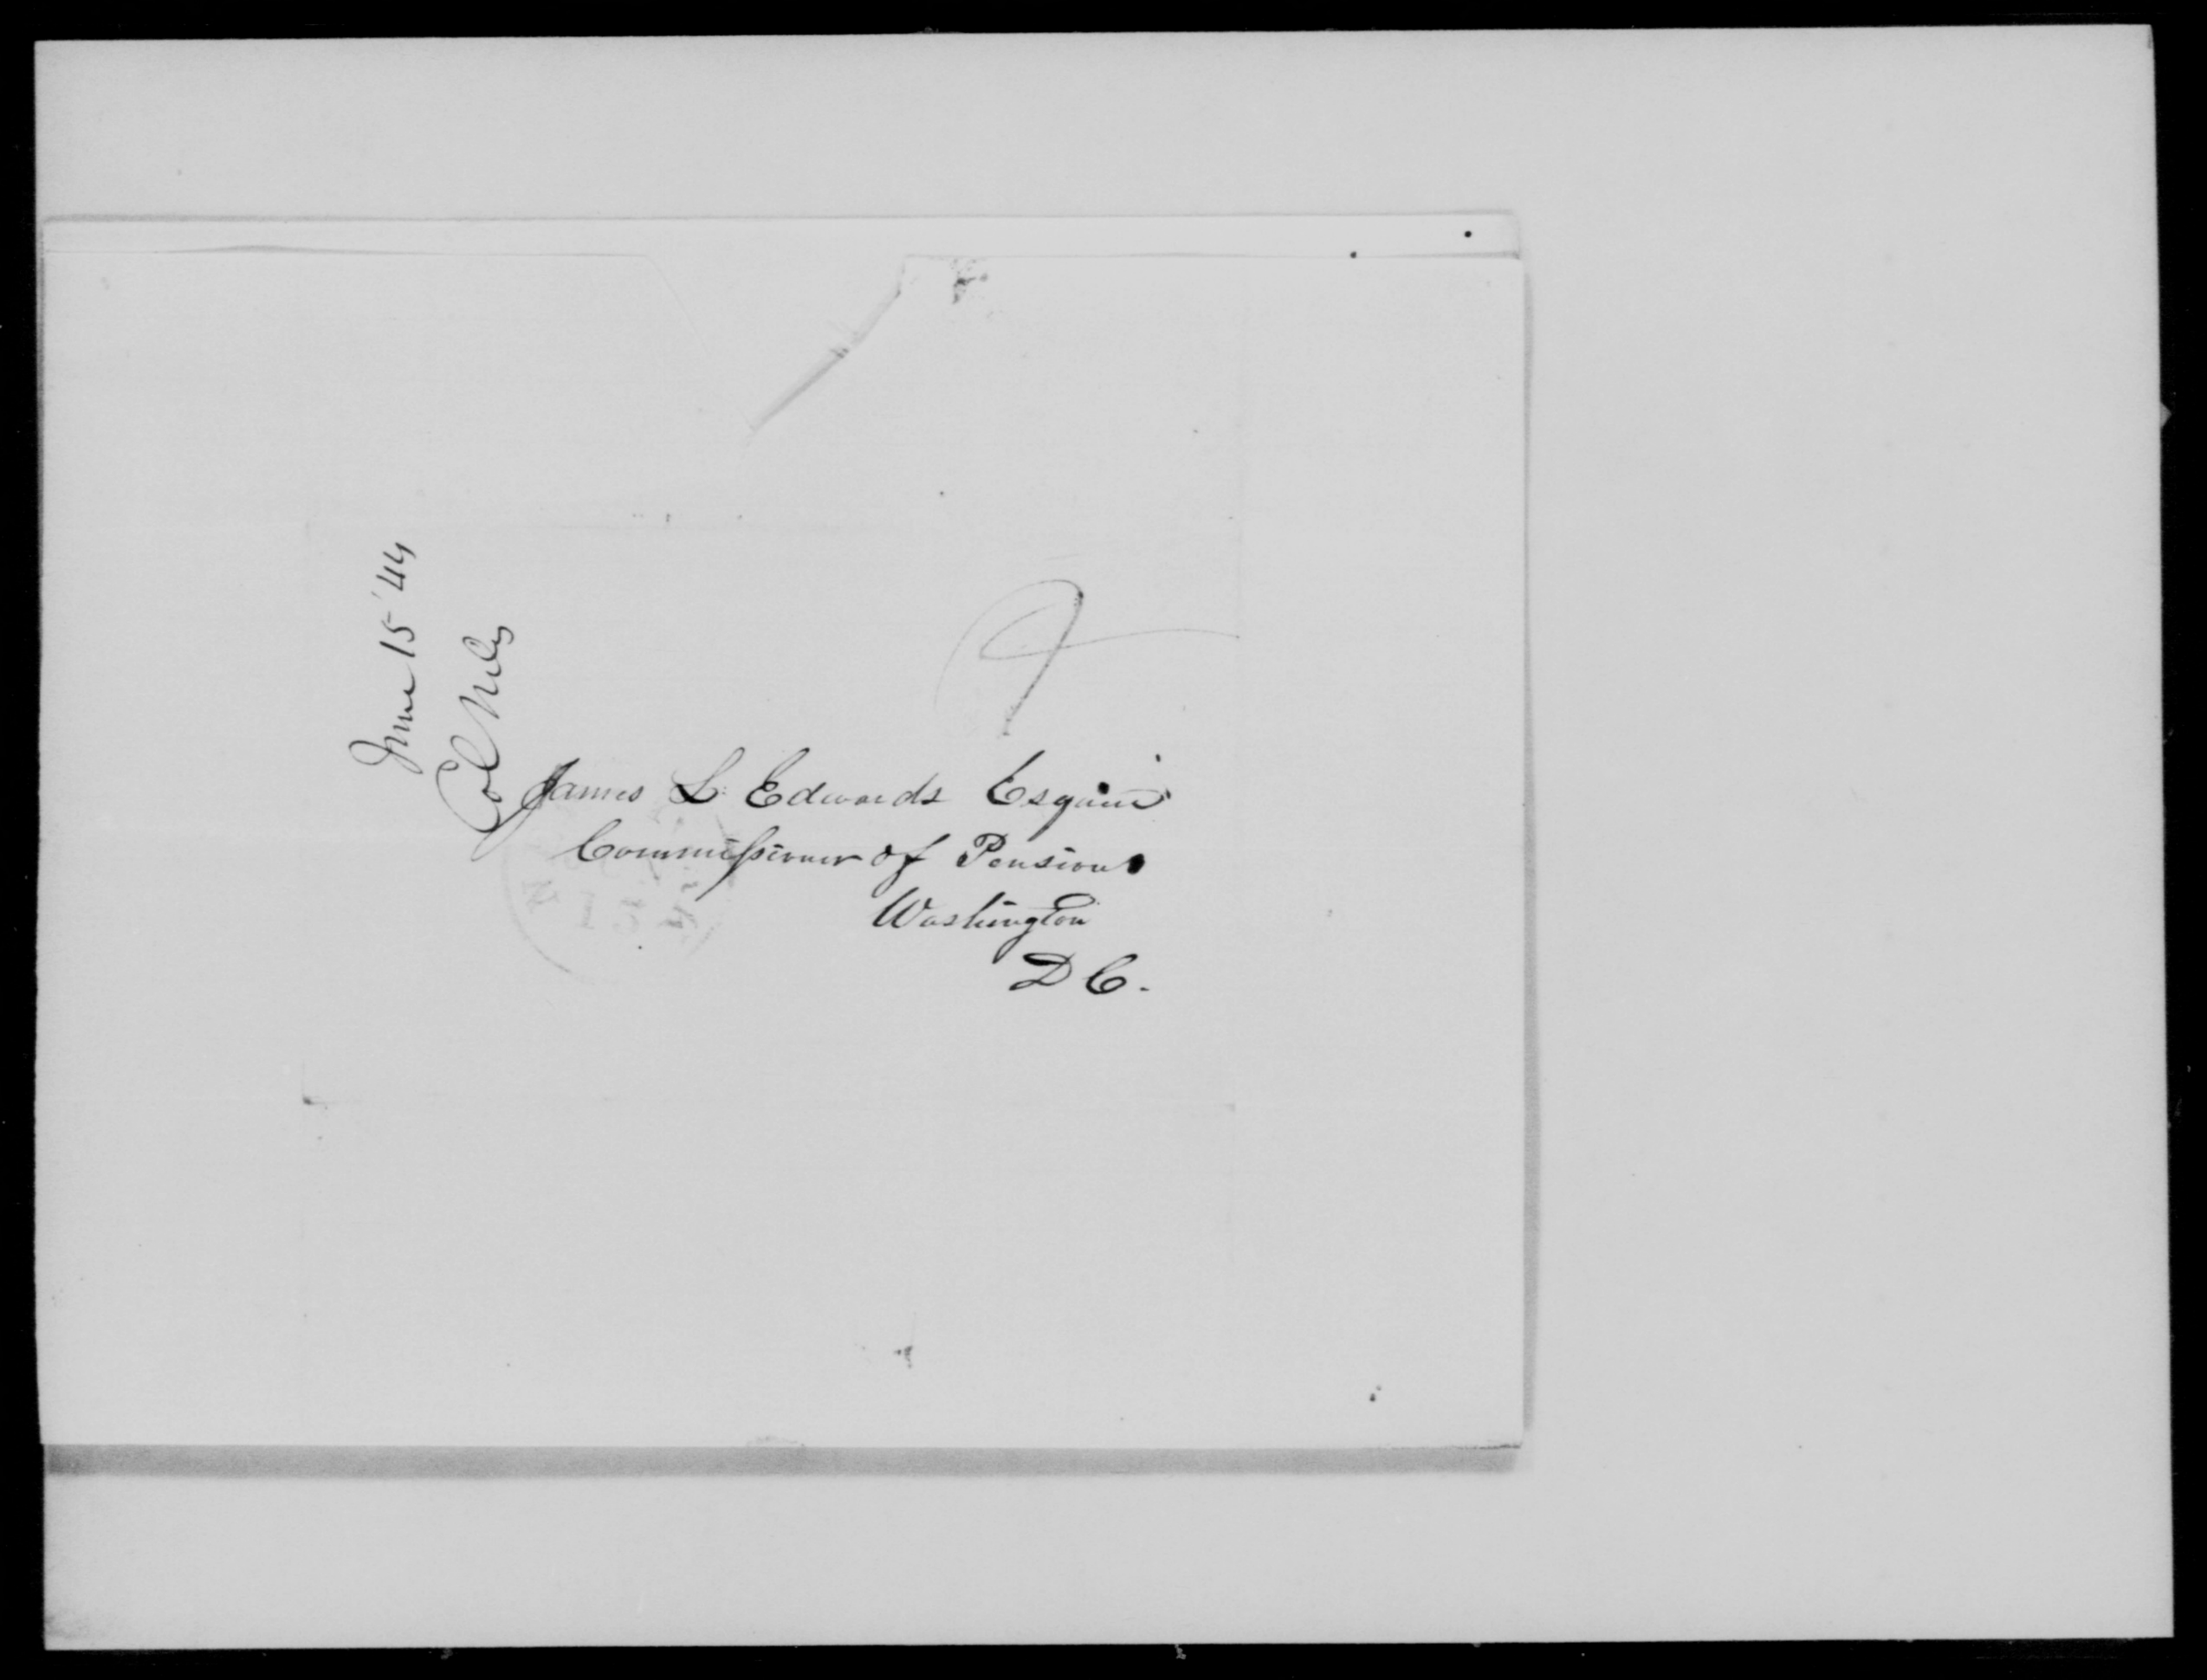James L. Edwards Esquire
Commissioner of Pensions
 Washington D C.
[on side] June 15 '44
Col [?]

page: 74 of 101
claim: widow's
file: W. 25481, for Peter V Tilyou, New Jersey